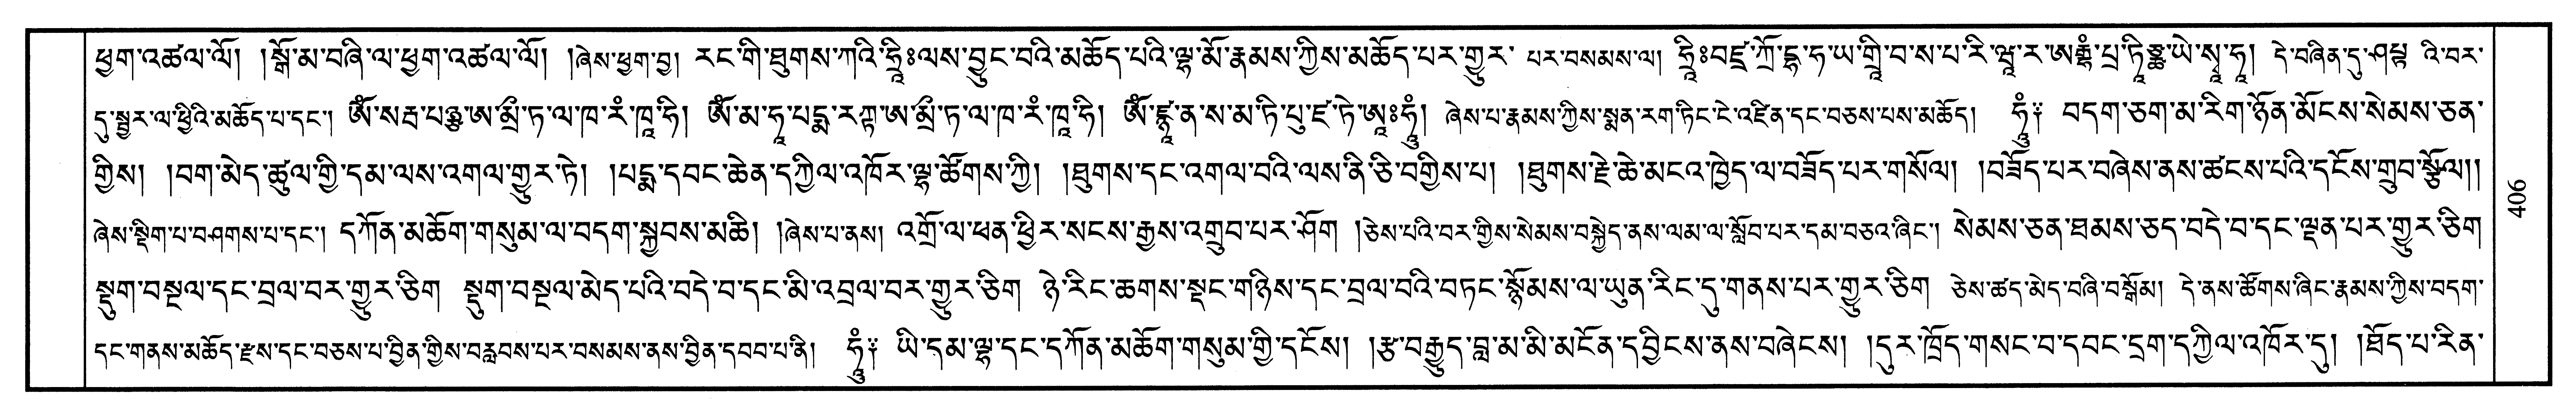ཕྱག་འཚལ་ལོ། །སྒོ་མ་བཞི་ལ་ཕྱག་འཚལ་ལོ། །ཞེས་ཕྱག་བྱ། རང་གི་ཐུགས་ཀའི་ཧྲཱིཿ ལས་བྱུང་བའི་མཆོད་པའི་ལྷ་མོ་རྣམས་ཀྱིས་མཆོད་པར་གྱུར་པར་བསམས་ལ། ཧྲཱིཿ བཛྲ་ཀྲོ་དྷ་ཧ་ཡ་གྲཱི་བ་ས་པ་རི་ཝཱ་ར་ཨརྒྷཾ་པྲ་ཏཱིཙྪ་ཡེ་སྭཱ་ཧཱ། དེ་བཞིན་དུ་ཤཔྟ་འི་བར་
དུ་སྦྱར་ལ་ཕྱིའི་མཆོད་པ་དང་། ཨོཾ་སརྦ་པཉྩ་ཨ་མྲྀ་ཏ་ལ་ཁ་རཾ་ཁཱ་ཧི། ཨོཾ་མ་ཧཱ་པདམ་རཀྟ་ཨ་མྲྀ་ཏ་ལ་ཁ་རཾ་ཁཱ་ཧི། ཨོཾ་ཛྙཱ་ན་ས་མ་ཏི་པུ་ཛ་ཏེ་ཨཱཿ ཧཱུཾ། ཞེས་པ་རྣམས་ཀྱིས་སྨན་རག་ཏིང་ངེ་འཛིན་དང་བཅས་པས་མཆོད། ཧཱུཾ༑ བདག་ཅག་མ་རིག་ཉོན་མོངས་སེམས་ཅན་
གྱིས། །བག་མེད་ཚུལ་གྱི་དམ་ལས་འགལ་གྱུར་ཏེ། །པདམ་དབང་ཆེན་དཀྱིལ་འཁོར་ལྷ་ཚོགས་ཀྱི། །ཐུགས་དང་འགལ་བའི་ལས་ནི་ཅི་བགྱིས་པ། །ཐུགས་རྗེ་ཆེ་མངའ་ཁྱེད་ལ་བཟོད་པར་གསོལ། །བཟོད་པར་བཞེས་ནས་ཚངས་པའི་དངོས་གྲུབ་སྩོལ།།
ཞེས་སྡིག་པ་བཤགས་པ་དང་། དཀོན་མཆོག་གསུམ་ལ་བདག་སྐྱབས་མཆི། །ཞེས་པ་ནས། འགྲོ་ལ་ཕན་ཕྱིར་སངས་རྒྱས་འགྲུབ་པར་ཤོག །ཅེས་པའི་བར་གྱིས་སེམས་བསྐྱེད་ནས་ལམ་ལ་སློབ་པར་དམ་བཅའ་ཞིང་། སེམས་ཅན་ཐམས་ཅད་བདེ་བ་དང་ལྡན་པར་གྱུར་ཅིག་
སྡུག་བསྔལ་དང་བྲལ་བར་གྱུར་ཅིག་སྡུག་བསྔལ་མེད་པའི་བདེ་བ་དང་མི་འབྲལ་བར་གྱུར་ཅིག་ཉེ་རིང་ཆགས་སྡང་གཉིས་དང་བྲལ་བའི་བཏང་སྙོམས་ལ་ཡུན་རིང་དུ་གནས་པར་གྱུར་ཅིག་ཅེས་ཚད་མེད་བཞི་བསྒོམ། དེ་ནས་ཚོགས་ཞིང་རྣམས་ཀྱིས་བདག་
དང་གནས་མཆོད་རྫས་དང་བཅས་པ་བྱིན་གྱིས་བརླབས་པར་བསམས་ནས་བྱིན་དབབ་པ་ནི། ཧཱུཾ༑ ཡི་དམ་ལྷ་དང་དཀོན་མཆོག་གསུམ་གྱི་དངོས། །རྩ་བརྒྱུད་བླ་མ་མི་མངོན་དབྱིངས་ནས་བཞེངས། །དུར་ཁྲོད་གསང་བ་དབང་དྲག་དཀྱིལ་འཁོར་དུ། །ཐོད་པ་རིན་